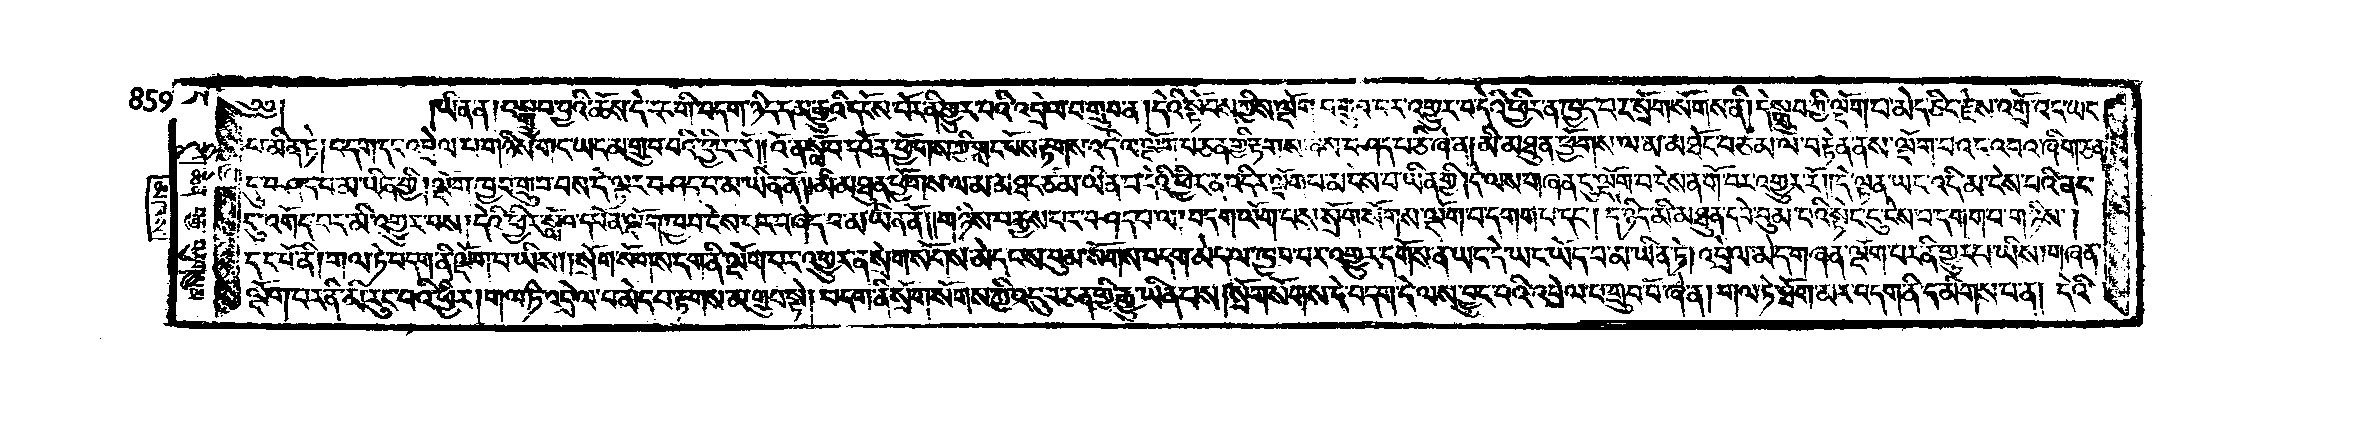༄༅། །ཡིན་ན། བསྒྲུབ་བྱའི་ཆོས་དེ་རང་གི་བདག་ཉིད་དམ་རྒྱུའི་དངོས་པོར་ནི་འགྱུར་བའི་འབྲེལ་བ་གྲུབ་ན། དེའི་སྟོབས་ཀྱིས་ལྡོག་པ་གྲུབ་པར་འགྱུར་བ་དེའི་ཕྱིར་ན་ཁྱད་པར་སྲོག་སོགས་ནི། དེ་སྒྲུབ་ཀྱི་ལྡོག་པ་མེད་ཅིང་རྗེས་འགྲོ་འང་ཡང་
པ་མིན་ཏེ། བདག་དང་འབྲེལ་པ་གཉིས་གང་ཡང་མ་གྲུབ་པའི་ཕྱིར་རོ། །འོ་ན་སློབ་དཔོན་ཕྱོགས་ཀྱི་གླང་པོས་རྟགས་འདི་ལ་ལྡོག་པ་ཅན་གྱི་རྟགས་ཞེས་བཤད་པ་ཅི་ཞེ་ན། མི་མཐུན་ཕྱོགས་ལ་མ་མཐོང་པ་ཙམ་ལ་བརྟེན་ནས་ལྡོག་པའང་འབའ་ཞིག་ཅན་
དུ་བཤད་པ་མ་ཡིན་གྱི། ལྡོག་ཁྱབ་གྲུབ་པས་དེ་ལྟར་བཤད་པ་མ་ཡིན་ནོ། །མི་མཐུན་ཕྱོགས་ལ་མ་མཐོང་ཙམ་ཡིན་པ་དེའི་ཕྱིར་ན་འདིར་ལྡོག་པ་མ་ངེས་པ་ཡིན་གྱིས། དེ་ལས་གཞན་དུ་ལྡོག་པ་ངེས་ན་གོ་བར་འགྱུར་རོ། །དེ་ལྟར་ན་ཡང་འདི་མ་ངེས་པའི་ནང་
དུ་འགོད་པར་མི་འགྱུར་པས་དེའི་ཕྱིར་སློབ་དཔོན་ལྡོག་ཁྱབ་ངེས་པར་བཞེད་པ་མ་ཡིན་ནོ། །གཉིས་བརྒྱས་པར་བཤད་པ་ལ། བདག་ལོག་པས་སྲོག་སོགས་ལྡོག་པ་དགག་པ་དང་། དེ་ཉིད་མི་མཐུན་དཔེ་བུམ་པའི་སྟེང་དུ་ངེས་པ་དགག་པ་གཉིས།
དང་པོ་ནི། གལ་ཏེ་བདག་ནི་ལྡོག་པ་ཡིས། །སྲོག་སོགས་དག་ནི་ལྡོག་པར་འགྱུར་ན་སྲོག་སོགས་མེད་པས་བུམ་སོགས་བདག་མེད་ལ་ཁྱབ་པར་འགྱུར་དགོས་ན་ཡང་དེ་ཡང་ཡོད་པ་མ་ཡིན་ཏེ། འབྲེལ་མེད་གཞན་ལྡོག་པར་ནི་གྱུར་པ་ཡིས། གཞན་
ལྡོག་པར་ནི་མི་རུང་པའི་ཕྱིར། གལ་ཏེ་འབྲེལ་པ་མེད་པ་རྟགས་མ་གྲུབ་སྟེ། བདག་ནི་སྲོག་སོགས་ཀྱི་འདུ་བ་ཅན་གྱི་རྒྱུ་ཡིན་པས། སྤོག་སོགས་དེ་བདག་དེ་ལས་བྱུང་བའི་འབྲེལ་པ་གྲུབ་བོ་ཞེ་ན། གལ་ཏེ་ཐོག་མར་བདག་ནི་དམིགས་པ་ན། དེའི་